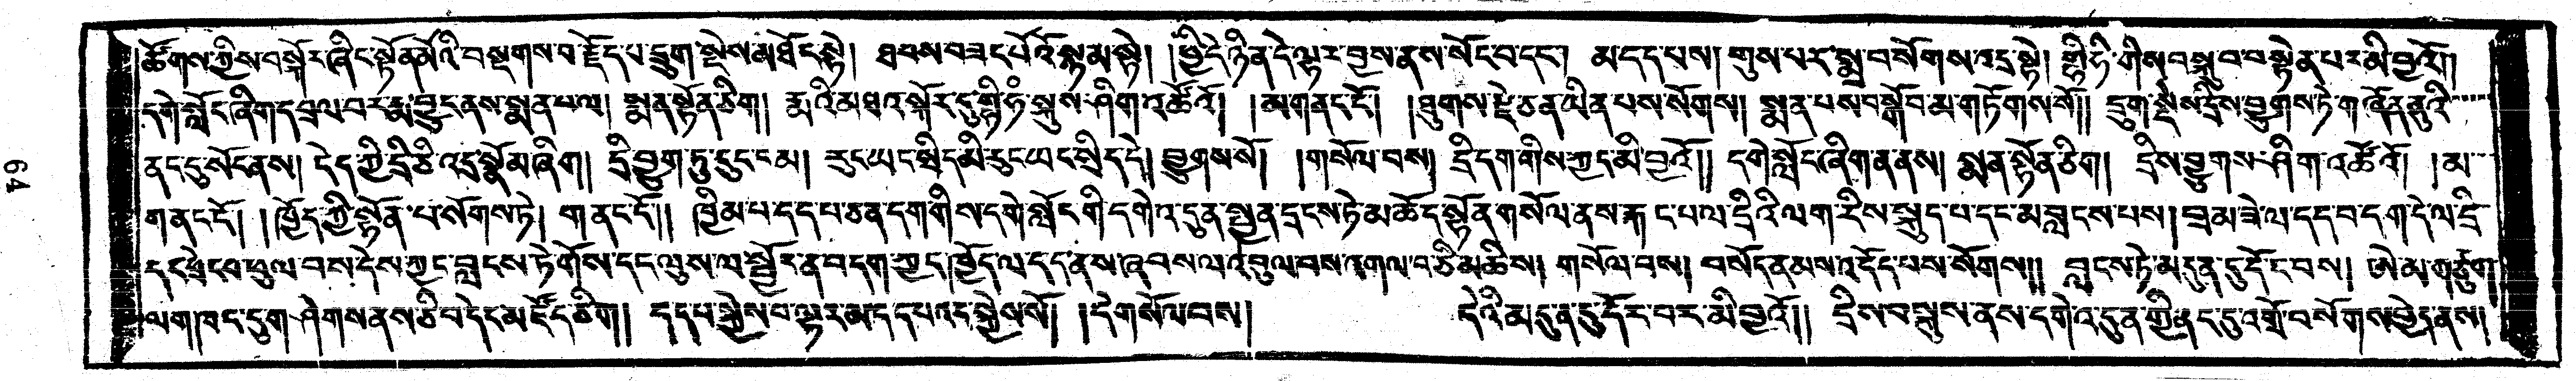ཚོགས་ཀྱིས་བསྐོར་ཞིང་སྟོན་མོའི་བསྔགས་བ་རྗོད་པ་དྲུག་སྡེས་མཐོང་སྟེ། ཐབས་བཟང་པོའི་སྙམ་སྟེ། །ཕྱི་དེ་ཉིན་དེ་ལྟར་བྱས་ནས་སོང་བ་དང་། མ་དད་པས། གུས་པར་སྨྲ་བ་སོགས་འདྲ་སྟེ། གྷི་ཧི་གིས་བསྐུ་བ་བསྟེན་པར་མི་བྱའོ། །
དགེ་སློང་ཞིག་དབྲལ་བར་རྨ་བྱུང་ནས་སྨན་པ་ལ། སྨན་སྟོན་ཅིག །རྨའི་མཐའ་སྐོར་དུ་གྷི་ཧཾ་སྐུས་ཤིག་འཚོའོ། །མ་གནང་ངོ། །ཐུགས་རྫེ་ཅན་ཡིན་པས་སོགས། སྨན་པས་བསྒོ་བ་མ་གཏོགས་སོ། །དྲུག་སྡེས་དྲིས་བྱུགས་ཏེ་གཞོན་ནུའི་
ནང་དུ་སོང་ནས། ངེད་ཀྱི་དྲི་ཅི་འདྲ་སྣོམ་ཞིག །དྲི་བྱུག་ཏུ་དུང་ངམ། རུང་ཡང་སྲིད་མི་རུང་ཡང་སྲིད་དེ། བྱུགས་སོ། །གསོལ་བས། དྲི་དག་གིས་ཀྱང་མི་བྱའོ། །དགེ་སློང་ཞིག་ན་ནས། སྨན་སྟོན་ཅིག། དྲིས་བྱུགས་ཤིག་འཚོའོ། །མ་
གནང་ངོ། །ཁྱོད་ཀྱི་སྟོན་པ་སོགས་ཏེ། གནང་ངོ། །ཁྱིམ་པ་དད་པ་ཅན་དག་གིས་དགེ་སློང་གི་དགེ་འདུན་སྤྱན་དྲངས་ཏེ་མཆོད་སྟོན་གསོལ་ནས་རྐང་པ་ལ་དྲིའི་ལག་རིས་སྐུད་པ་དང་མ་བླངས་པས། བྲམ་ཟེ་ལ་དད་པ་དག་དེ་ལ་དྲི་
དང་ཕྲེང་བ་ཕུལ་བས་དེས་ཀྱང་བླངས་ཏེ་གོས་དང་ལུས་ལ་སྦྱོར་ན་བདག་ཀྱང་ཁྱོད་ལ་དད་ནས་ཞབས་ལ་འབུལ་བས་འགལ་བ་ཅི་མཆིས། གསོལ་བས། བསོད་ནམས་འདོད་པས་སོགས། །བླངས་ཏེ་མདུན་དུ་དོང་བས། ཨེ་མ་གཙུག་
ལག་ཁང་དུ་གཤེགས་ནས་ཅི་བ་དེང་མཛོད་ཅིག །དད་པ་སྐྱེས་པ་ལྟར་མ་དད་པའང་སྐྱེས་སོ། །དེ་གསོལ་བས། དེའི་མདུན་དུ་དོར་བར་མི་བྱའོ། །དྲིས་བསྐུས་ནས་དགེ་འདུན་གྱི་ནང་དུ་འགྲོ་བ་སོགས་བྱེད་ནས། །